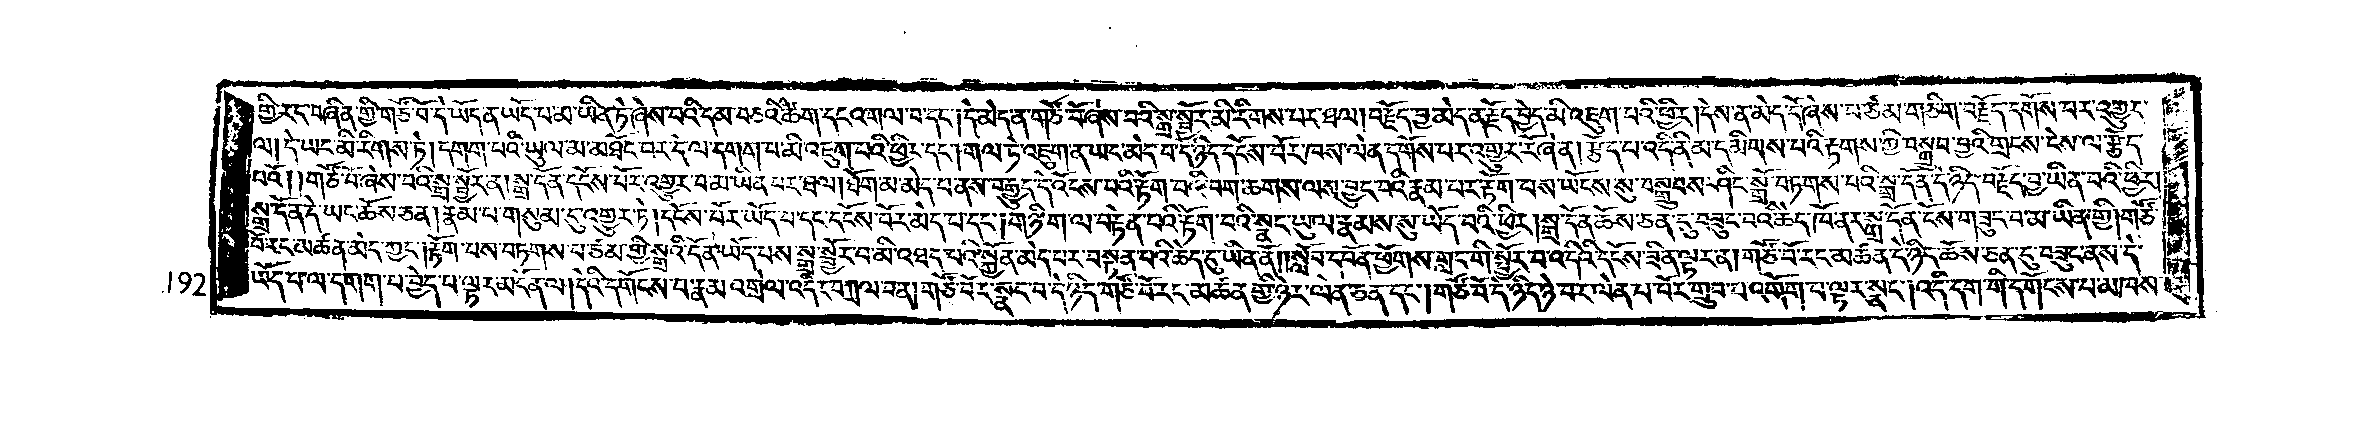གྱི་རང་བཞིན་གྱི་གཙོ་བོ་དེ་ཡོད་ན་ཡོད་པ་མ་ཡིན་ཏེ་ཞེས་པའི་དམ་བཅའི་ཚིག་དང་འགལ་བ་དང་། དེ་མེད་ན་གཙོ་བོ་ཞེས་པའི་སྒྲ་སྦྱོར་མི་རིགས་པར་ཐལ། བརྗོད་བྱ་མེད་ན་རྗོད་བྱེད་མི་འཇུག་པའི་ཕྱིར། དེས་ན་མེད་དོ་ཞེས་པ་ཙམ་གཅིག་བརྗོད་དགོས་པར་འགྱུར་
ལ། དེ་ཡང་མི་རིགས་ཏེ། དགག་པའི་ཡུལ་མ་མཐོང་བར་དེ་ལ་དགག་པ་མི་འཇུག་པའི་ཕྱིར་དང་། གལ་ཏེ་འཇུག་ན་ཡང་མེད་པ་དེ་ཉིད་དངོས་པོར་ཁས་ལེན་དགོས་པར་འགྱུར་རོ་ཞེ་ན། རྩོད་པ་འདི་ནི་མ་དམིགས་པའི་རྟགས་ཀྱི་བསྒྲུབ་བྱའི་གྲངས་ངེས་ལ་རྩོད་
པའོ། །གཙོ་བོ་ཞེས་པའི་སྒྲ་སྦྱོར་ན། སྒྲ་དོན་དངོས་པོར་འགྱུར་པ་མ་ཡིན་པར་ཐལ། ཐོག་མ་མེད་པ་ནས་བརྒྱུད་དེ་འོངས་པའི་རྟོག་པའི་བག་ཆགས་ལས་བྱུང་བའི་རྣམ་པར་རྟོག་པས་ཡོངས་སུ་བསྒྲུབས་ཤིང་སྒྲོ་བཏགས་པའི་སྒྲ་དོན་དེ་ཉིད་བརྗོད་བྱ་ཡིན་པའི་ཕྱིར།
སྒྲ་དོན་དེ་ཡང་ཆོས་ཅན། རྣམ་པ་གསུམ་དུ་འགྱུར་ཏེ། དངོས་པོར་ཡོད་པ་དང་དངོས་པོར་མེད་པ་དང་། གཉི་ག་ལ་བརྟེན་པའི་རྟོག་པའི་སྣང་ཡུལ་རྣམས་སུ་ཡོད་པའི་ཕྱིར། སྒྲ་དོན་ཆོས་ཅན་དུ་བཟུང་བའི་ཆེད་ཁོ་ནར་སྒྲ་དོན་ངོས་གཟུང་བ་མ་ཡིན་གྱི། གཙོ་
བོ་རང་མཚན་མེད་ཀྱང་། རྟོག་པས་བཏགས་པ་ཙམ་གྱི་སྒྲའི་དོན་ཡོད་པས་སྒྲ་སྦྱོར་བ་མི་འཐད་པའི་སྐྱོན་མེད་པར་བསྟན་པའི་ཆེད་དུ་ཡིན་ནོ། །སློབ་དཔོན་ཕྱོགས་གླང་གི་སྦྱོར་བ་འདིའི་དངོས་ཟིན་ལྟར་ན། གཙོ་བོ་རང་མཚན་དེ་ཉིད་ཆོས་ཅན་དུ་བཟུང་ནས་དེ་
ཡོད་པ་ལ་དགག་པ་བྱེད་པ་ལྟར་མངོན་ལ། དེའི་དགོངས་པ་རྣམ་འགྲེལ་འདིར་བཀྲལ་བ་ན། གཙོ་བོར་སྣང་བ་དེ་ཉིད་གཙོ་བོ་རང་མཚན་གྱི་ཉེར་ལེན་ཅན་དང་། གཙོ་བོ་དེ་ཉིད་ཉེ་བར་ལེན་པ་པོར་གྲུབ་པ་འགོག་པ་ལྟར་སྣང་། འདི་དག་གི་དགོངས་པ་མཁས་